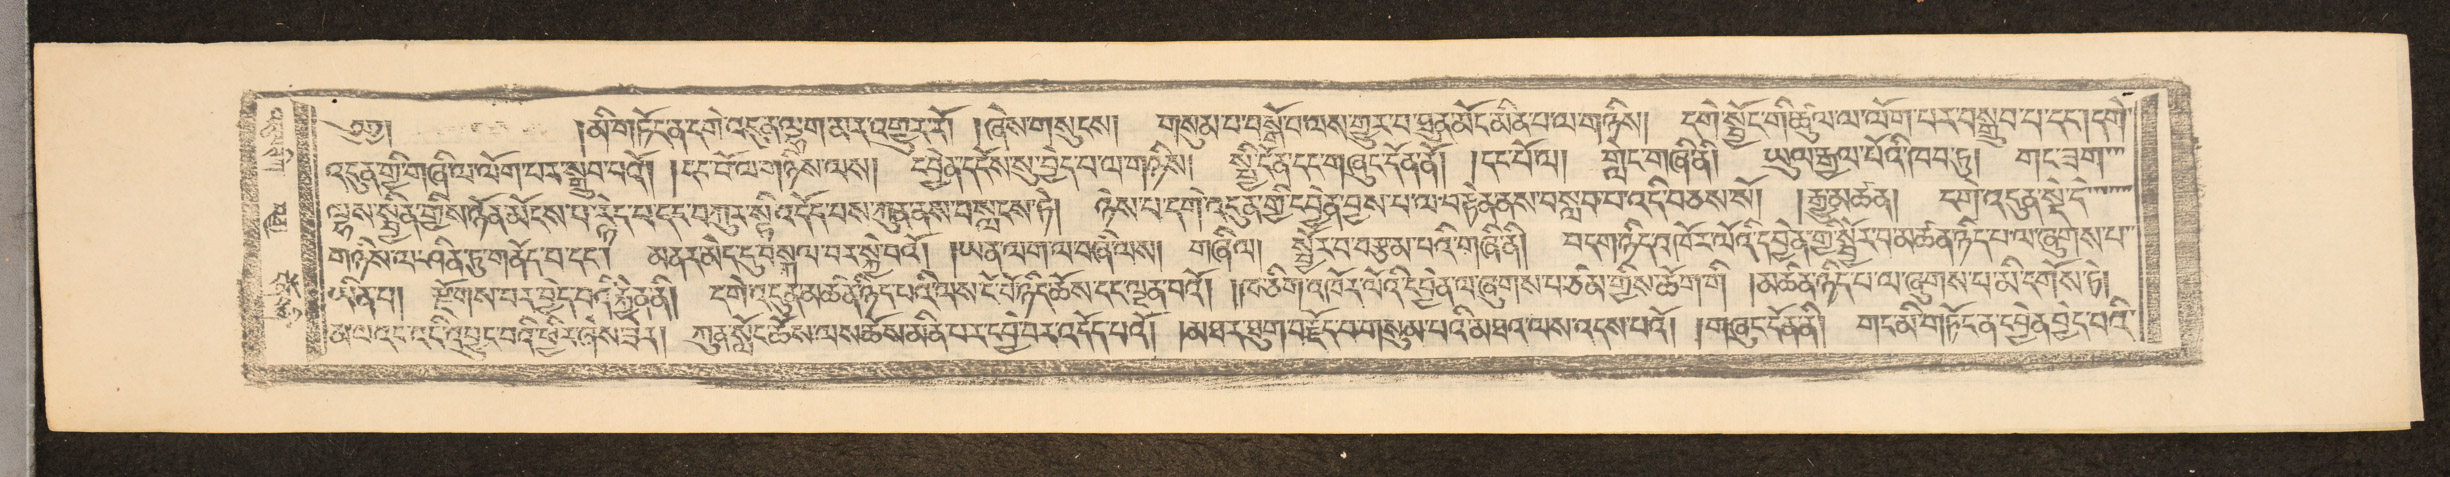༄༅། །མི་གཏོང་ན་དགེ་འདུན་ལྷག་མར་འགྱུར་རོ། །ཞེས་གསུངས། གསུམ་པ་བསྒོ་བ་ལས་གྱུར་བ་ཐུན་མོང་མིན་པ་ལ་གཉིས། དགེ་སྦྱོང་གི་ཚུལ་ལ་ལོག་པར་བསྒྲུབ་པ་དང་། དགེ་
འདུན་གྱི་གཞི་ལ་ལོག་པར་སྒྲུབ་པའོ། །དང་པོ་ལ་གཉིས་ལས། དབྱེན་དངོས་སུ་བྱེད་པ་ལ་གཉིས། སྤྱི་དོན་དང་གཞུང་དོན་ནོ། །དང་པོ་ལ། གླེང་གཞི་ནི། ཡུལ་རྒྱལ་པོའི་ཁབ་ཏུ། གང་ཟག་
ལྷས་སྦྱིན་གྱིས་ཉོན་མོངས་པ་རྙེད་པ་དང་བཀུར་སྟི་འདོད་པས་ཀུན་ནས་བསླངས་ཏེ། ཉེས་པ་དགེ་འདུན་གྱི་དབྱེན་བྱས་པ་ལ་བརྟེན་ནས་བསླབ་པ་འདི་བཅས་སོ། །རྒྱུ་མཚན། དགེ་འདུན་སྡེ་དེ་
གཉིས་ལ་ཤིན་ཏུ་གནོད་པ་དང་། མནར་མེད་དུ་བསྐལ་བར་སྐྱེ་བའོ། །ཡན་ལག་ལ་བཞི་ལས། གཞི་ལ། སྦྱོར་བ་བརྩམ་པའི་གཞི་ནི། བདག་ཉིད་འཁོར་ལོའི་དབྱེན་གྱི་སྦྱོར་བ་མཚན་ཉིད་པ་ལ་ཞུགས་པ་
ཡིན་པ། རྫོགས་པར་བྱེད་པའི་རྐྱེན་ནི། དགེ་འདུན་མཚན་ཉིད་པའི་ལས་ངོ་བོ་ཉིད་ཆོས་དང་ལྡན་པའོ། །ཁ་ཅིག་འཁོར་ལོའི་དབྱེ་ན་ལ་ཞུགས་པ་ཙམ་གྱིས་ཆོག་གི །མཚན་ཉིད་པ་ལ་ཞུགས་པ་མི་དགོས་ཏེ།
མ་ལའང་འདི་འབྱུང་བའི་ཕྱིར་ཞེས་ཟེར། ཀུན་སློང་ཆོས་ལས་ཆོས་མིན་པར་དབྱེ་བར་འདོད་པའོ། །མཐར་ཐུག་བརྗོད་པ་གསུམ་པའི་མཐའ་ལས་འདས་པའོ། །གཞུང་དོན་ནི། གང་མི་གཏོང་ན་དབྱེན་བྱེད་པའི་